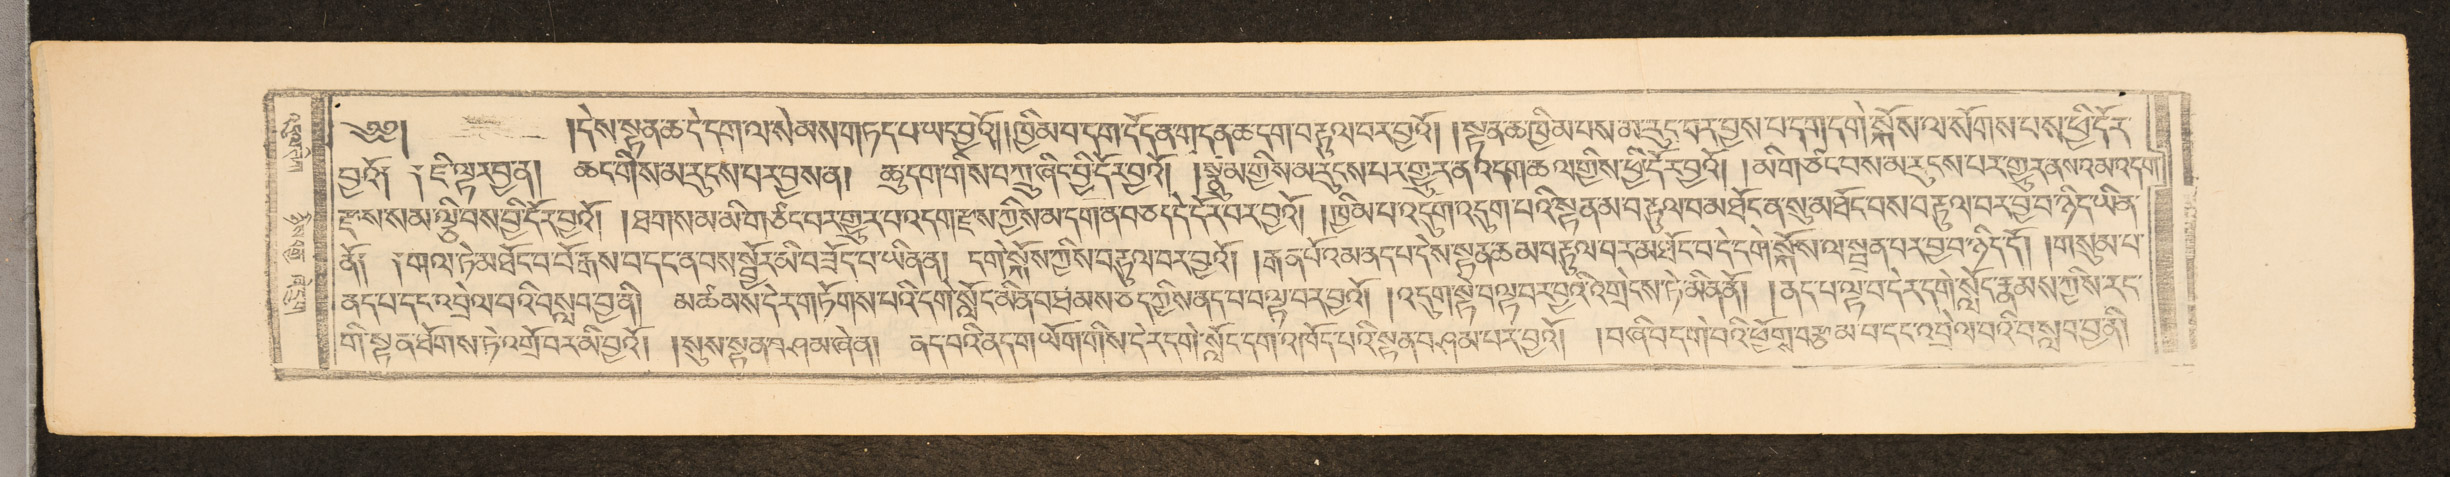༄༅། །དེས་སྟན་ཆ་དེ་དག་ལ་སེམས་གཏད་པ་ཡང་བྱའོ། །ཁྱིམ་པ་དག་དོང་ན་གདན་ཆ་དག་བརྟུལ་བར་བྱའོ། །སྟན་ཆ་ཁྱིམ་པས་མ་རུང་བར་བྱས་པ་དག་དགེ་སྐོས་ལ་སོགས་པས་བྱི་དོར་
བྱའོ། །ཇི་ལྟར་བྱ་ན། ཆད་གིས་མ་རུངས་པར་བྱས་ན། ཆུ་དག་གིས་བཀྲུ་ཞིང་བྱི་དོར་བྱའོ། །སྣུམ་གྱིས་མ་རུངས་བར་གྱུར་ན་འདག་ཆལ་གྱིས་བྱི་དོར་བྱའོ། །མི་གཙང་བས་མ་རུངས་པར་གྱུར་ནས་འམ་འདག་
རྫས་སམ་ལྕི་བས་བྱི་དོར་བྱའོ། །ཐགས་མ་མི་གཙང་བར་གྱུར་པ་འདག་རྫས་ཀྱིས་མ་དག་ན་བཅད་དེ་དོར་བར་བྱའོ། །ཁྱིམ་པ་འདུག་འདུག་པའི་སྟན་མ་བརྟུལ་བ་མཐོད་ན་སུ་མཐོང་བས་བརྟུལ་བར་བྱ་བ་ཉིད་ཡིན་
ནོ༑ །གལ་ཏེ་མཐོང་བ་པོ་རྒས་པ་དང་ན་བས་སྦྱོར་མི་བཟོད་པ་ཡིན་ན། དགེ་སྐོས་ཀྱིས་བརྟུལ་བར་བྱའོ། །རྒན་པོ་འམ་ནད་པ་དེས་སྟན་ཆ་མ་བརྟུལ་བར་མཐོང་བ་དེ་དགེ་སྐོས་ལ་སྦྲན་པར་བྱ་བ་ཉིད་དོ། །གསུམ་པ་
ནད་པ་དང་འབྲེལ་བའི་བསླབ་བྱ་ནི། མཚམས་དེར་གཏོགས་པའི་དགེ་སློང་མ་ནི་བ་ཐམས་ཅད་ཀྱིས་ནད་པ་བལྟ་བར་བྱའོ། །འདུག་སྟེ་བལྟ་བར་བྱའི་འགྲེངས་ཏེ་མིན་ནོ། །ནད་པ་ལྟ་བ་དེར་དགེ་སློང་རྣམས་ཀྱིས་རང་
གི་སྟན་ཐོགས་ཏེ་འགྲོ་བར་མི་བྱའོ། །སུས་སྟན་བཤམ་ཞེ་ན། ནད་པའི་ནད་གཡོག་གིས་དེར་དགེ་སློང་དག་འཁོད་པའི་སྟན་བཤམ་པར་བྱའོ། །བཞི་པ་དགེ་བའི་ཕྱོགས་བརྩམ་པ་དང་འབྲེལ་བའི་བསླབ་བྱ་ནི།